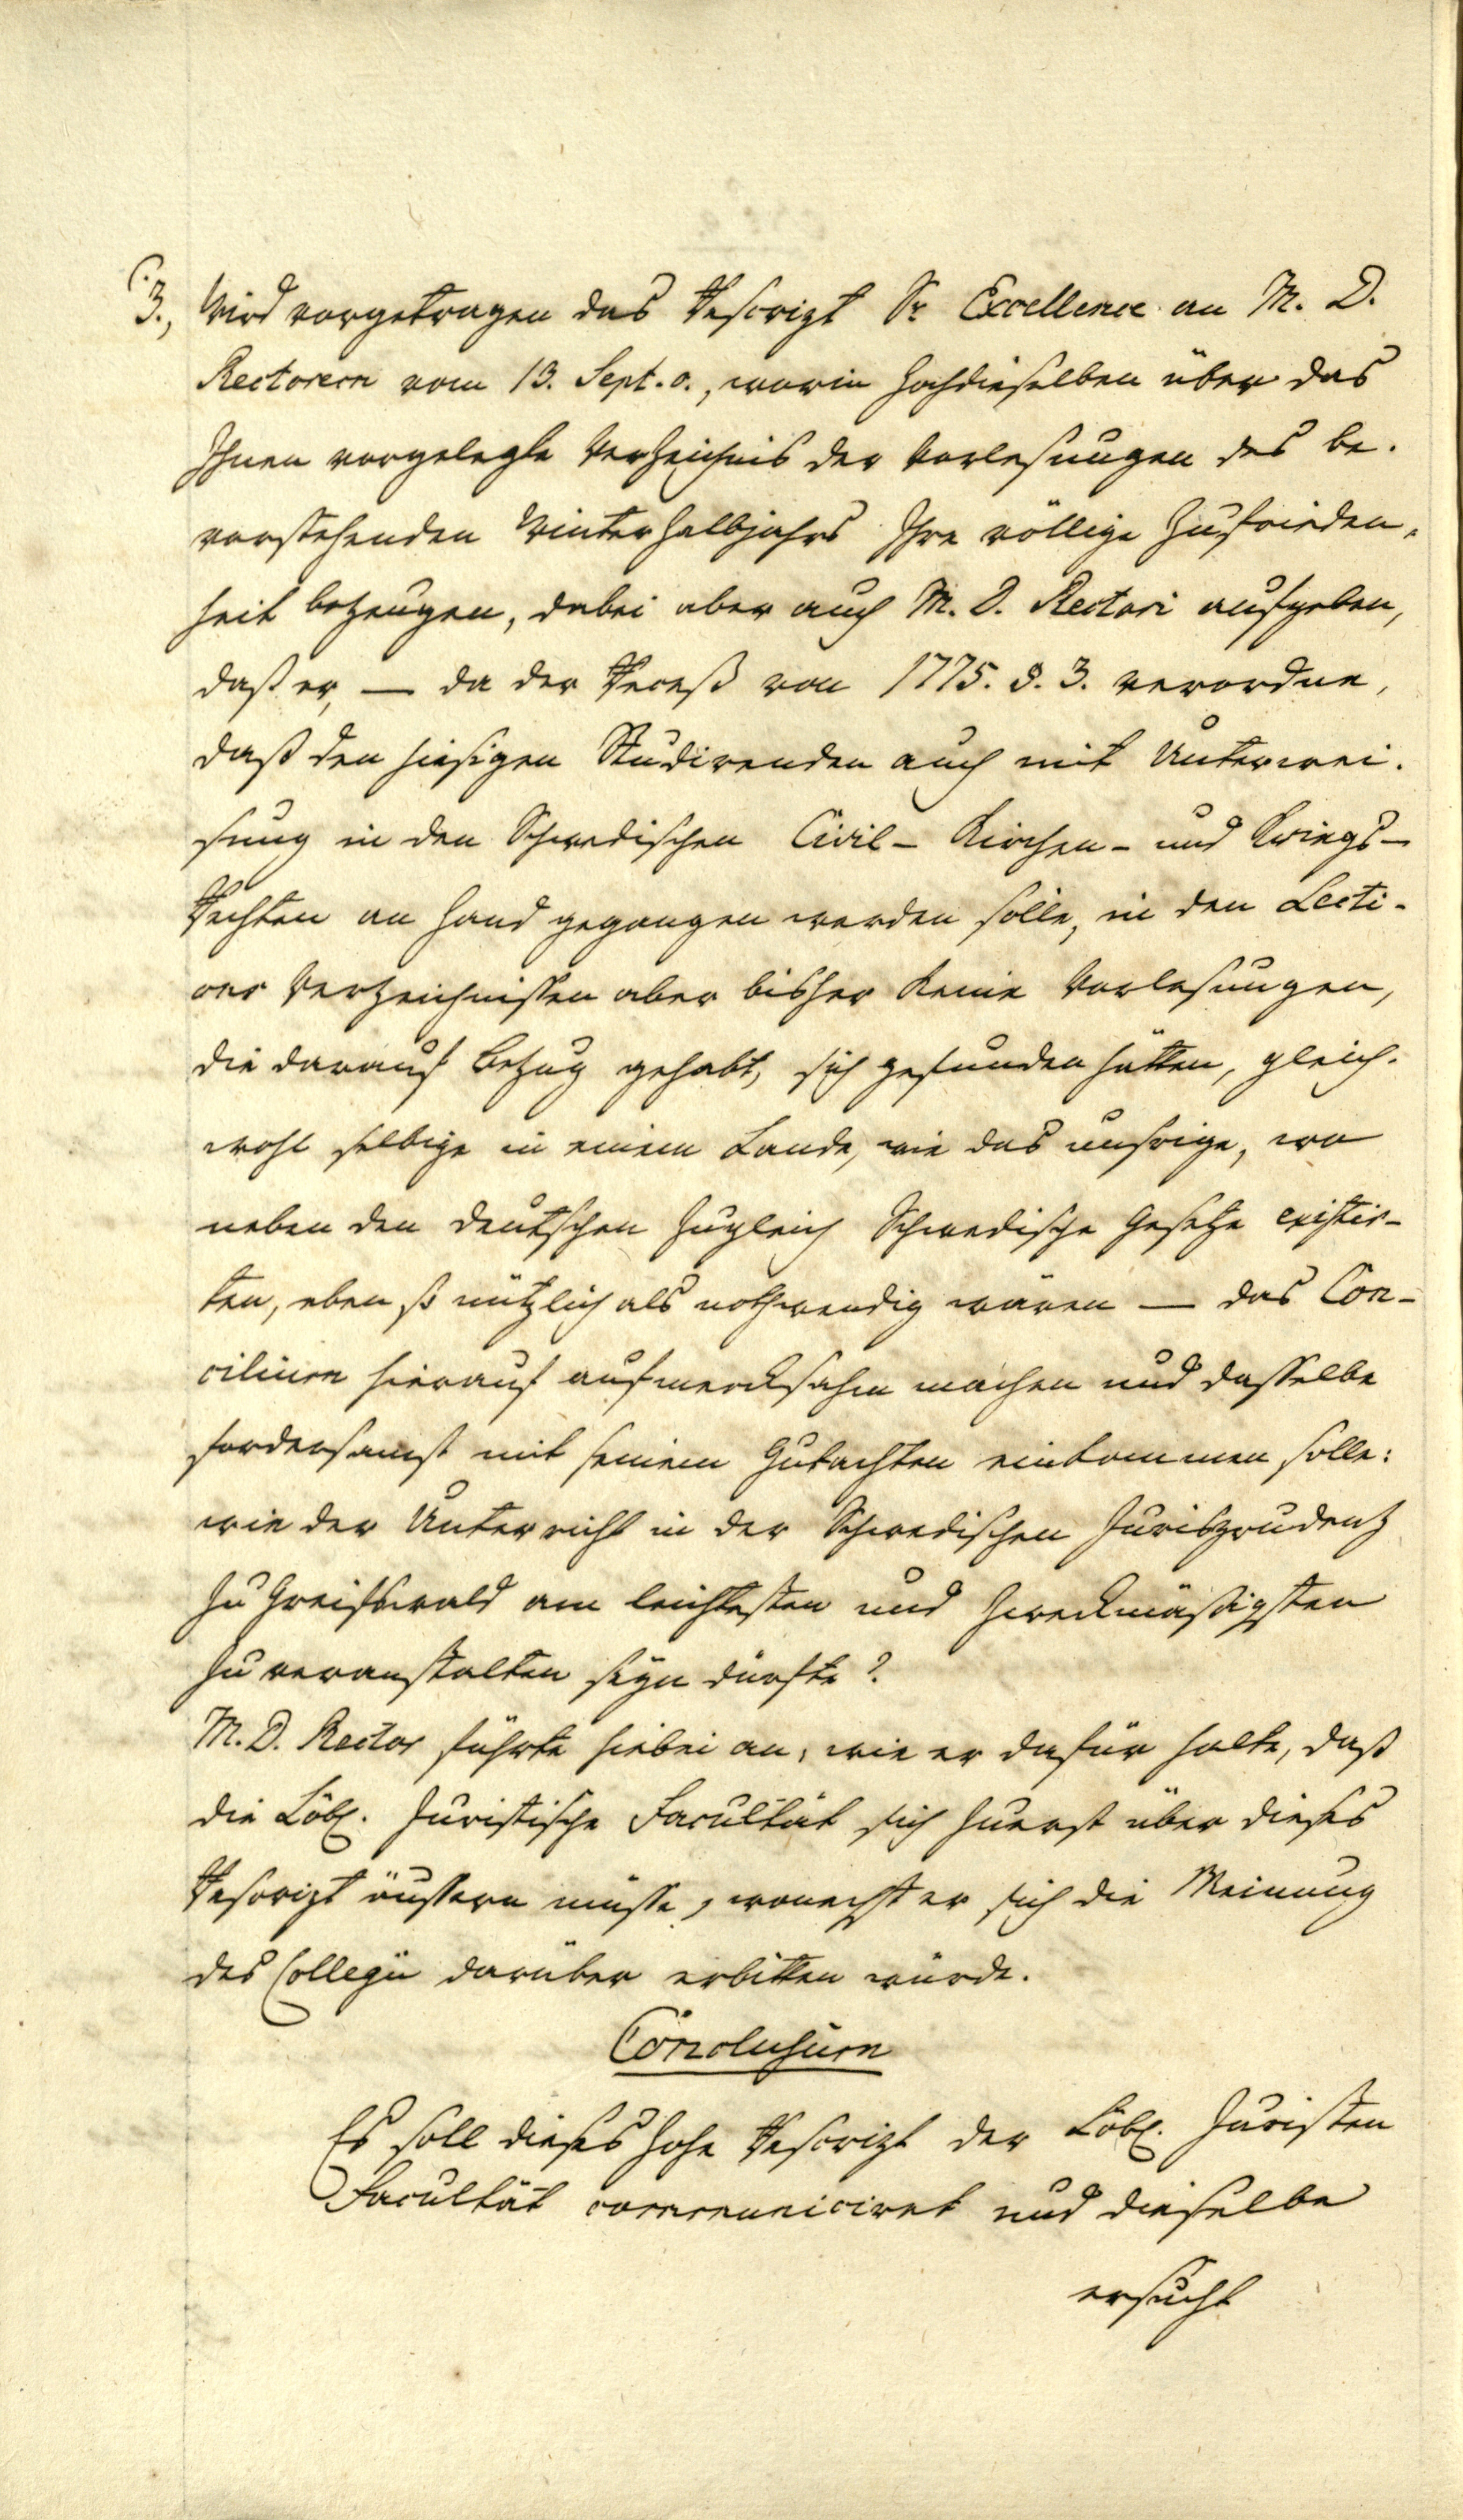3., Wird vorgetragen das Rescript Sr Excellence an M. D.
Rectorem vom 13. Sept. c., worin Hochdieselben über das
ihnen vorgelegte Verzeichnis der Vorlesungen des be¬
vorstehenden Winter Halbjahrs ihre völlige Zufrieden¬
heit bezeugen, dabei aber auch M. D. Rectori aufgeben,
daß er, da der Receß von 1775. §. 3. verordne,
daß den hiesigen Studirenden auch mit Unterwei¬
sung in den Schwedischen Civil- Kirchen- und Kriegs¬
Rechten an hand gegangen werden solle, in den Lecti¬
ons Verzeichnissen aber bisher keine Vorlesungen,
die darauf Bezug gehabt, sich gefunden hätten, gleich¬
wohl selbige in einem Lande, wie das unsrige, wo
neben den deutschen zugleich Schwedische Gesetze existir¬
ten, eben so nützlich als nothwendig wären - das Con¬
cilium hierauf aufmercksahm machen und dasselbe
fordersamst mit seinem Gutachten einkommen solle:
wie der Unterricht in der Schwedischen Jurisprudenz
zu Greifswald am leichtesten und zweckmäßigsten
zu veranstalten seÿn dürfte?
M. D. Rector führte hiebei an: wie er dafür halte, daß
die Löbl. Juristische Facultät sich zuerst über dieses
Rescript äussern müsse, wonechst er sich die Meinung
des Collegii darüber erbitten würde.
Conclusum
Es soll dieses hohe Rescript der Löbl. Juristen
Facultät communiciret und dieselbe
ersucht